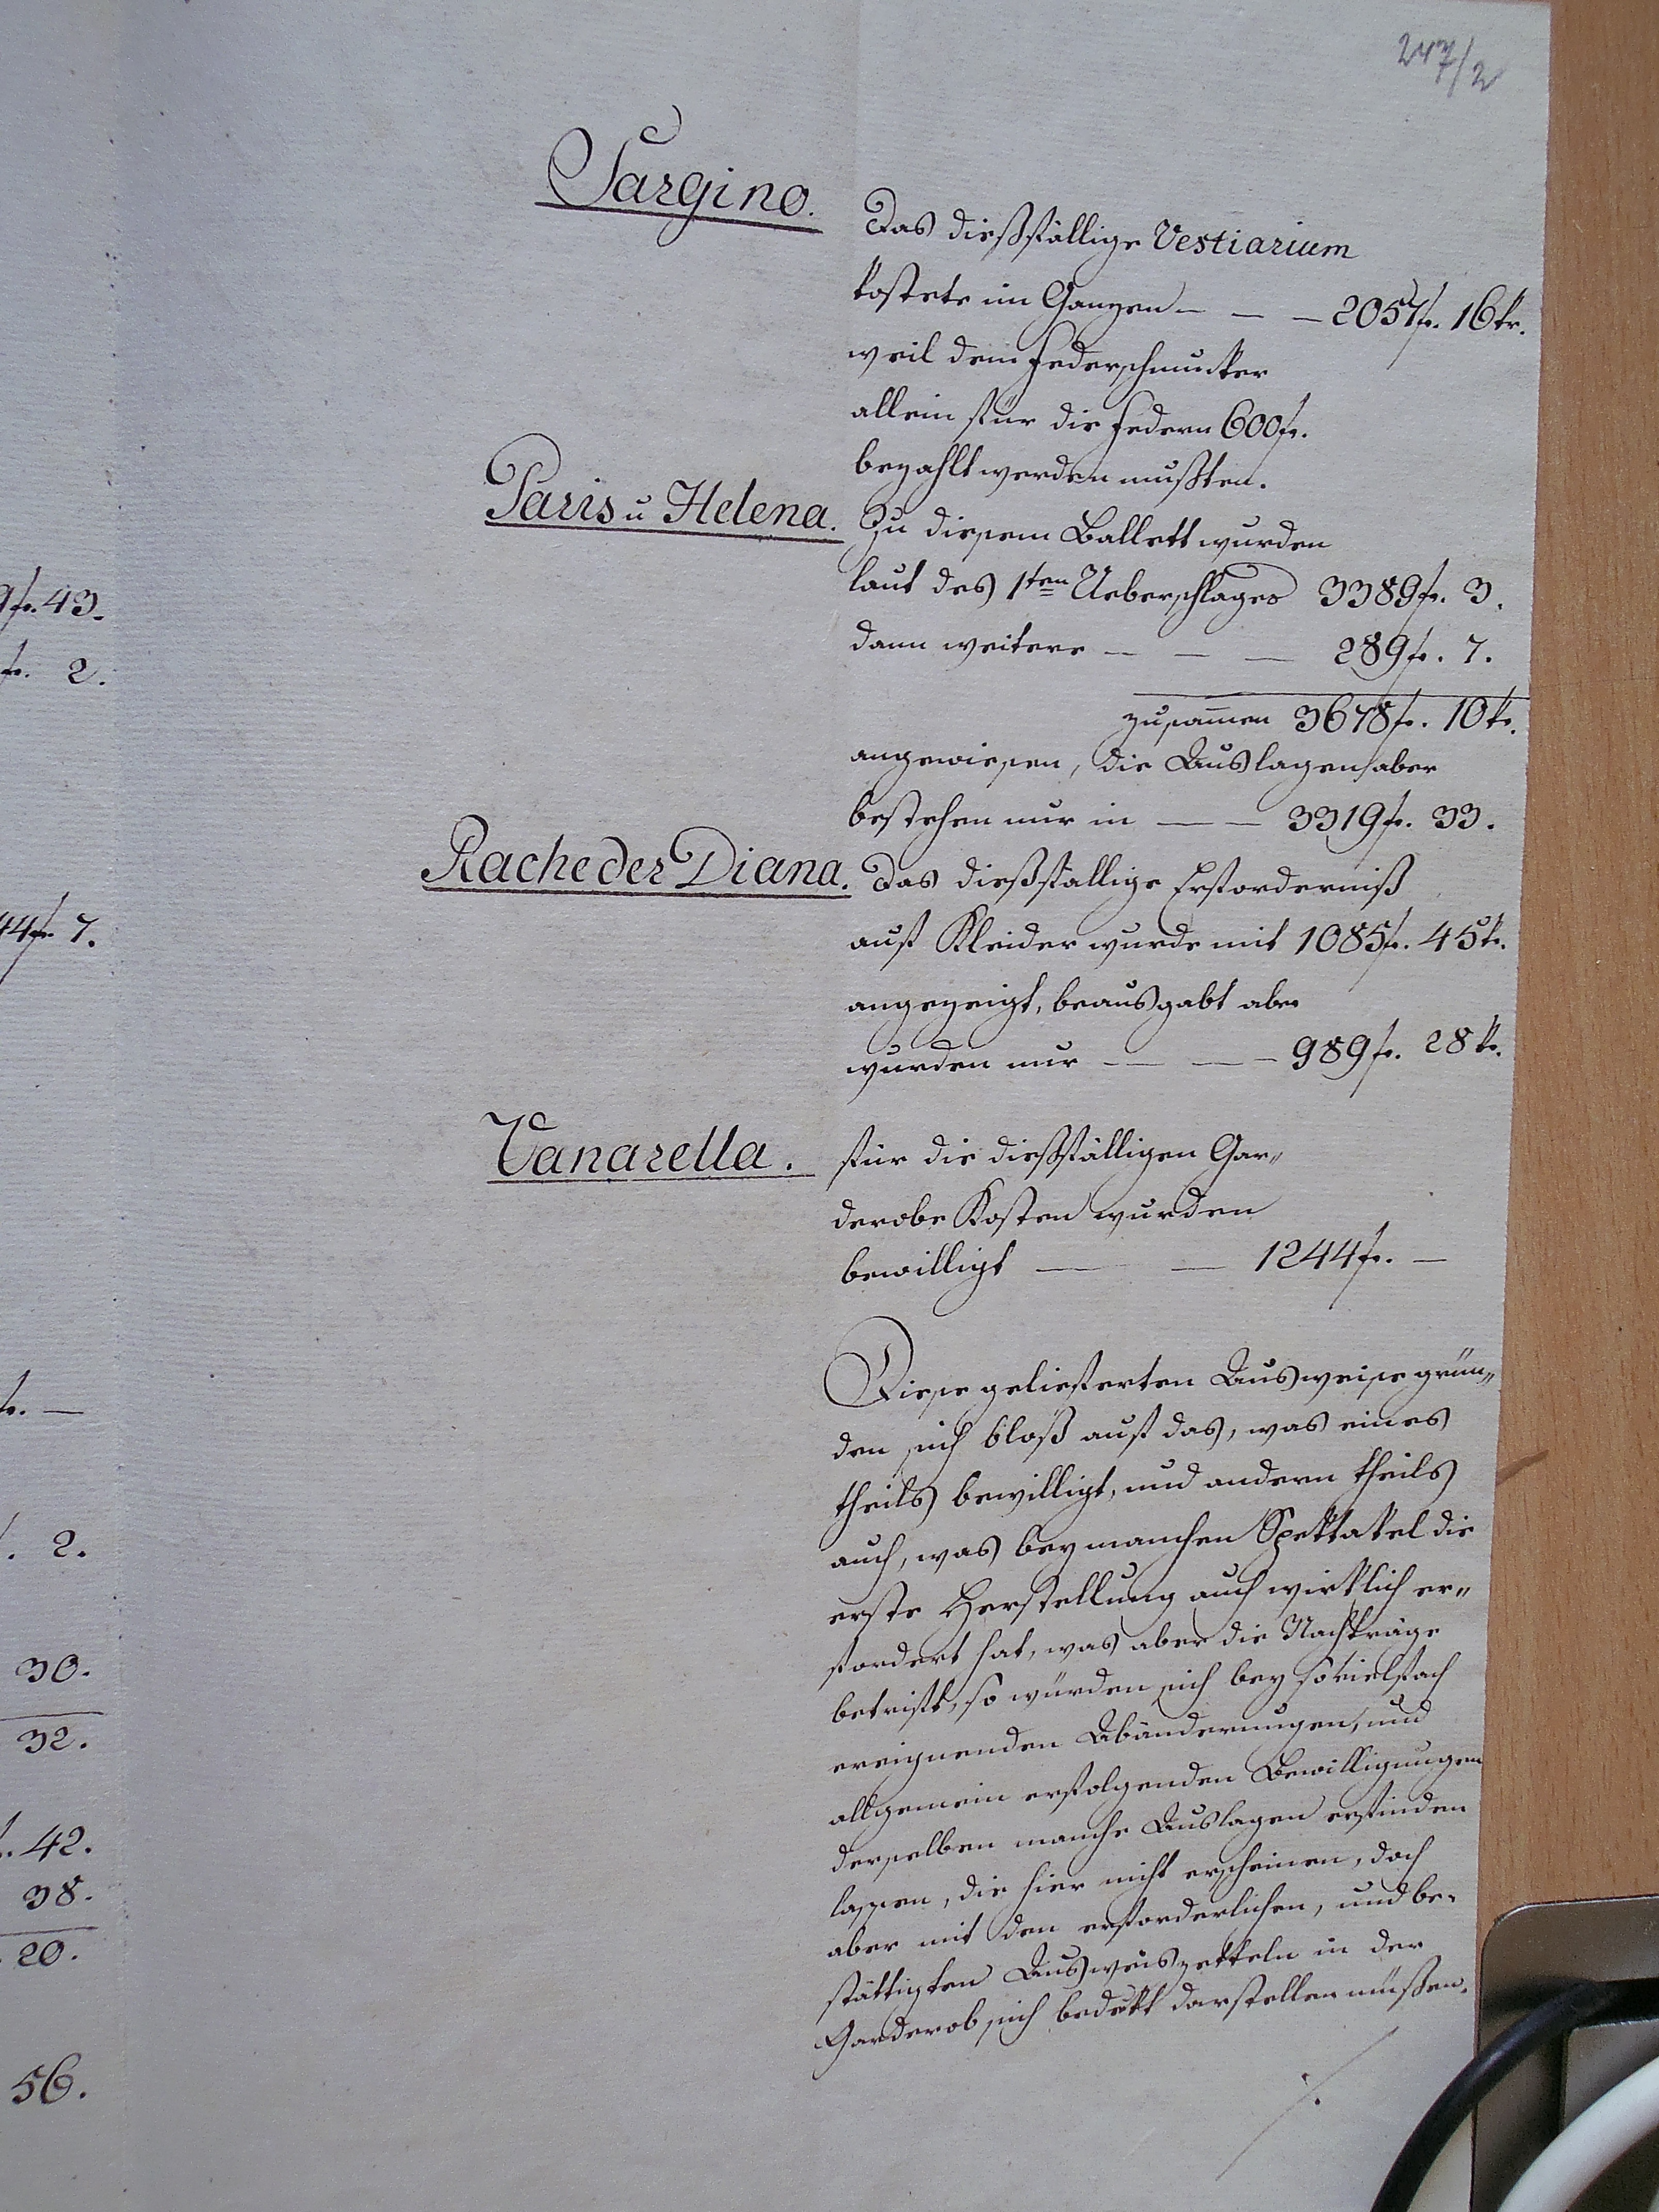247/2
Sargino. Das dießfällige Vestiarium
kostete im Ganzen _ _ _ 2057fr. 16kr.
weil dem Federschmucker
allein für die Federn 600fr.
bezahlt werden mußten.
Paris u Helena. Zu diesem Ballet wurden
laut des 1te͇n Ueberschlages 3389fr. 3.
dann weitere __ __ __ 289fr. 7.
----------------------------------
zusam̅en 3678fr. 10kr.
angewiesen, die Auslagen aber
bestehen nur in __ __ 3319fr. 33.
Rache der Diana. Das dießfällige Erforderniß
auf Kleider wurde mit 1085fr. 45kr.
angezeigt, beausgabt aber
wurden nur _ __ __ _ 989fr. 28kr.
Venarella. für die dießfälligen Gar¬
derobe Kosten wurden
bewilligt ___ ___ 1244fr. ---
Diese gelieferten Ausweise grün¬
den sich bloß auf das, was eines
theils bewilligt, und andern theils
auch, was bey manchen Spektakel die
erste Herstellung auch wirklich er¬
fordert hat, was aber die Nachträge
betrifft, so würden sich bey so vielfach
ereignenden Abänderugen, und
allgemein erfolgenden Bewilligungen
derselben manche Auslagen erfinden
lassen, die hier nicht erscheinen, doch
aber mit den erforderlichen, und be¬
stättigten Ausweiszetteln in der
Garderob sich bedeckt darstellen müßen.